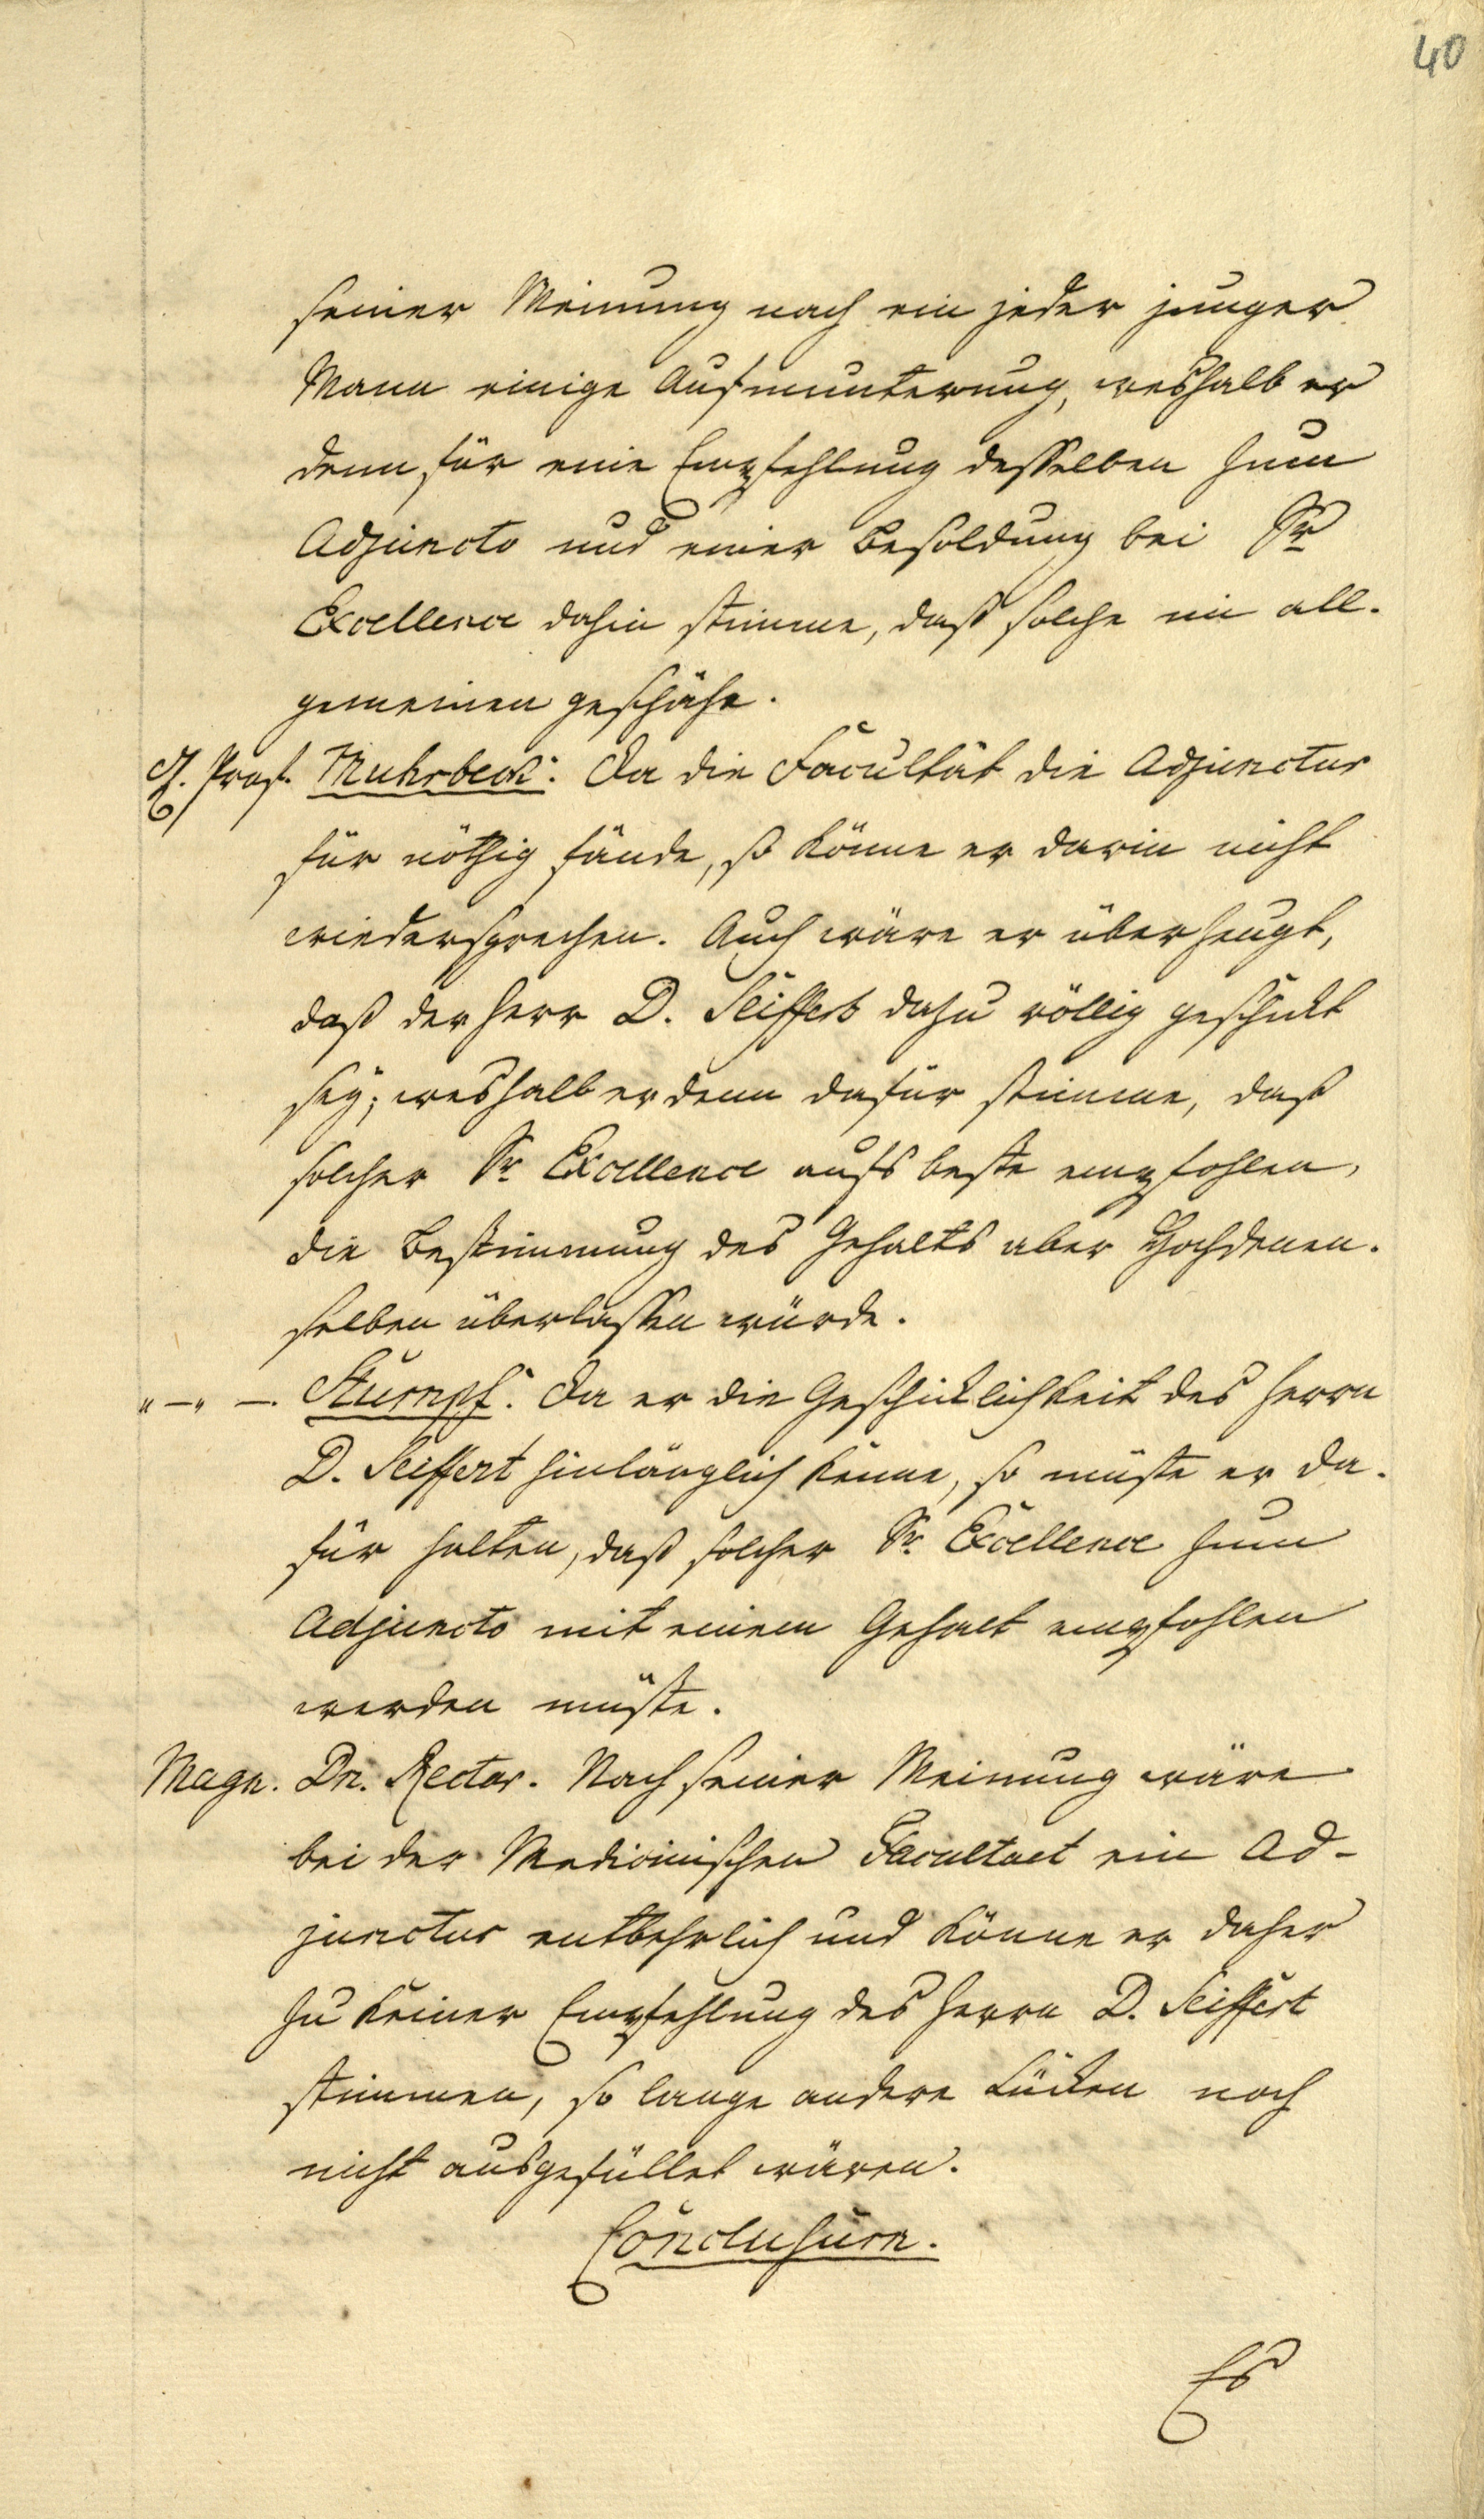seiner Meinung nach ein jeder junger
Mann einige Aufmunterung, weshalb er
denn für eine Empfehlung desselben zum
Adjuncto und einer Besoldung bei Sr.
Excellence dahin stimme, daß solche im all-
gemeinen geschähe.
dh. Prof. Muhrbeck: Da die Facultät die Adjunctur
für nöthig fände, so könne er darin nicht
wiedersprechen. Auch wäre er überzeugt,
daß der herr D. Seiffert dazu völlig geschult
sey; weshalb er denn dafür stimme, daß
solcher Sr. Excellence aufs beste empfohlen,
die Bestimmung des Gehalts aber Hochdenen-
selben überlassen würde.
" - " - . Stumpf. Da er die Geschicklichkeit des herrn
D. Seiffert hinlänglich kenne, so müste er da-
für halten, daß solcher Sr. Excellence zum
Adjuncto mit einem Gehalt empfohlen
werden müßte.
Magn. Dn. Rector. Nach seiner Meinung wäre
bei der Medicinischen Facultaet ein Ad-
junctus entbehrlich und könne er daher
zu keiner Empfehlung des herrn D. Seiffert
stimmen, so lange andere Lücken noch
nicht ausgefüllet wären.
Conclusum.
Es